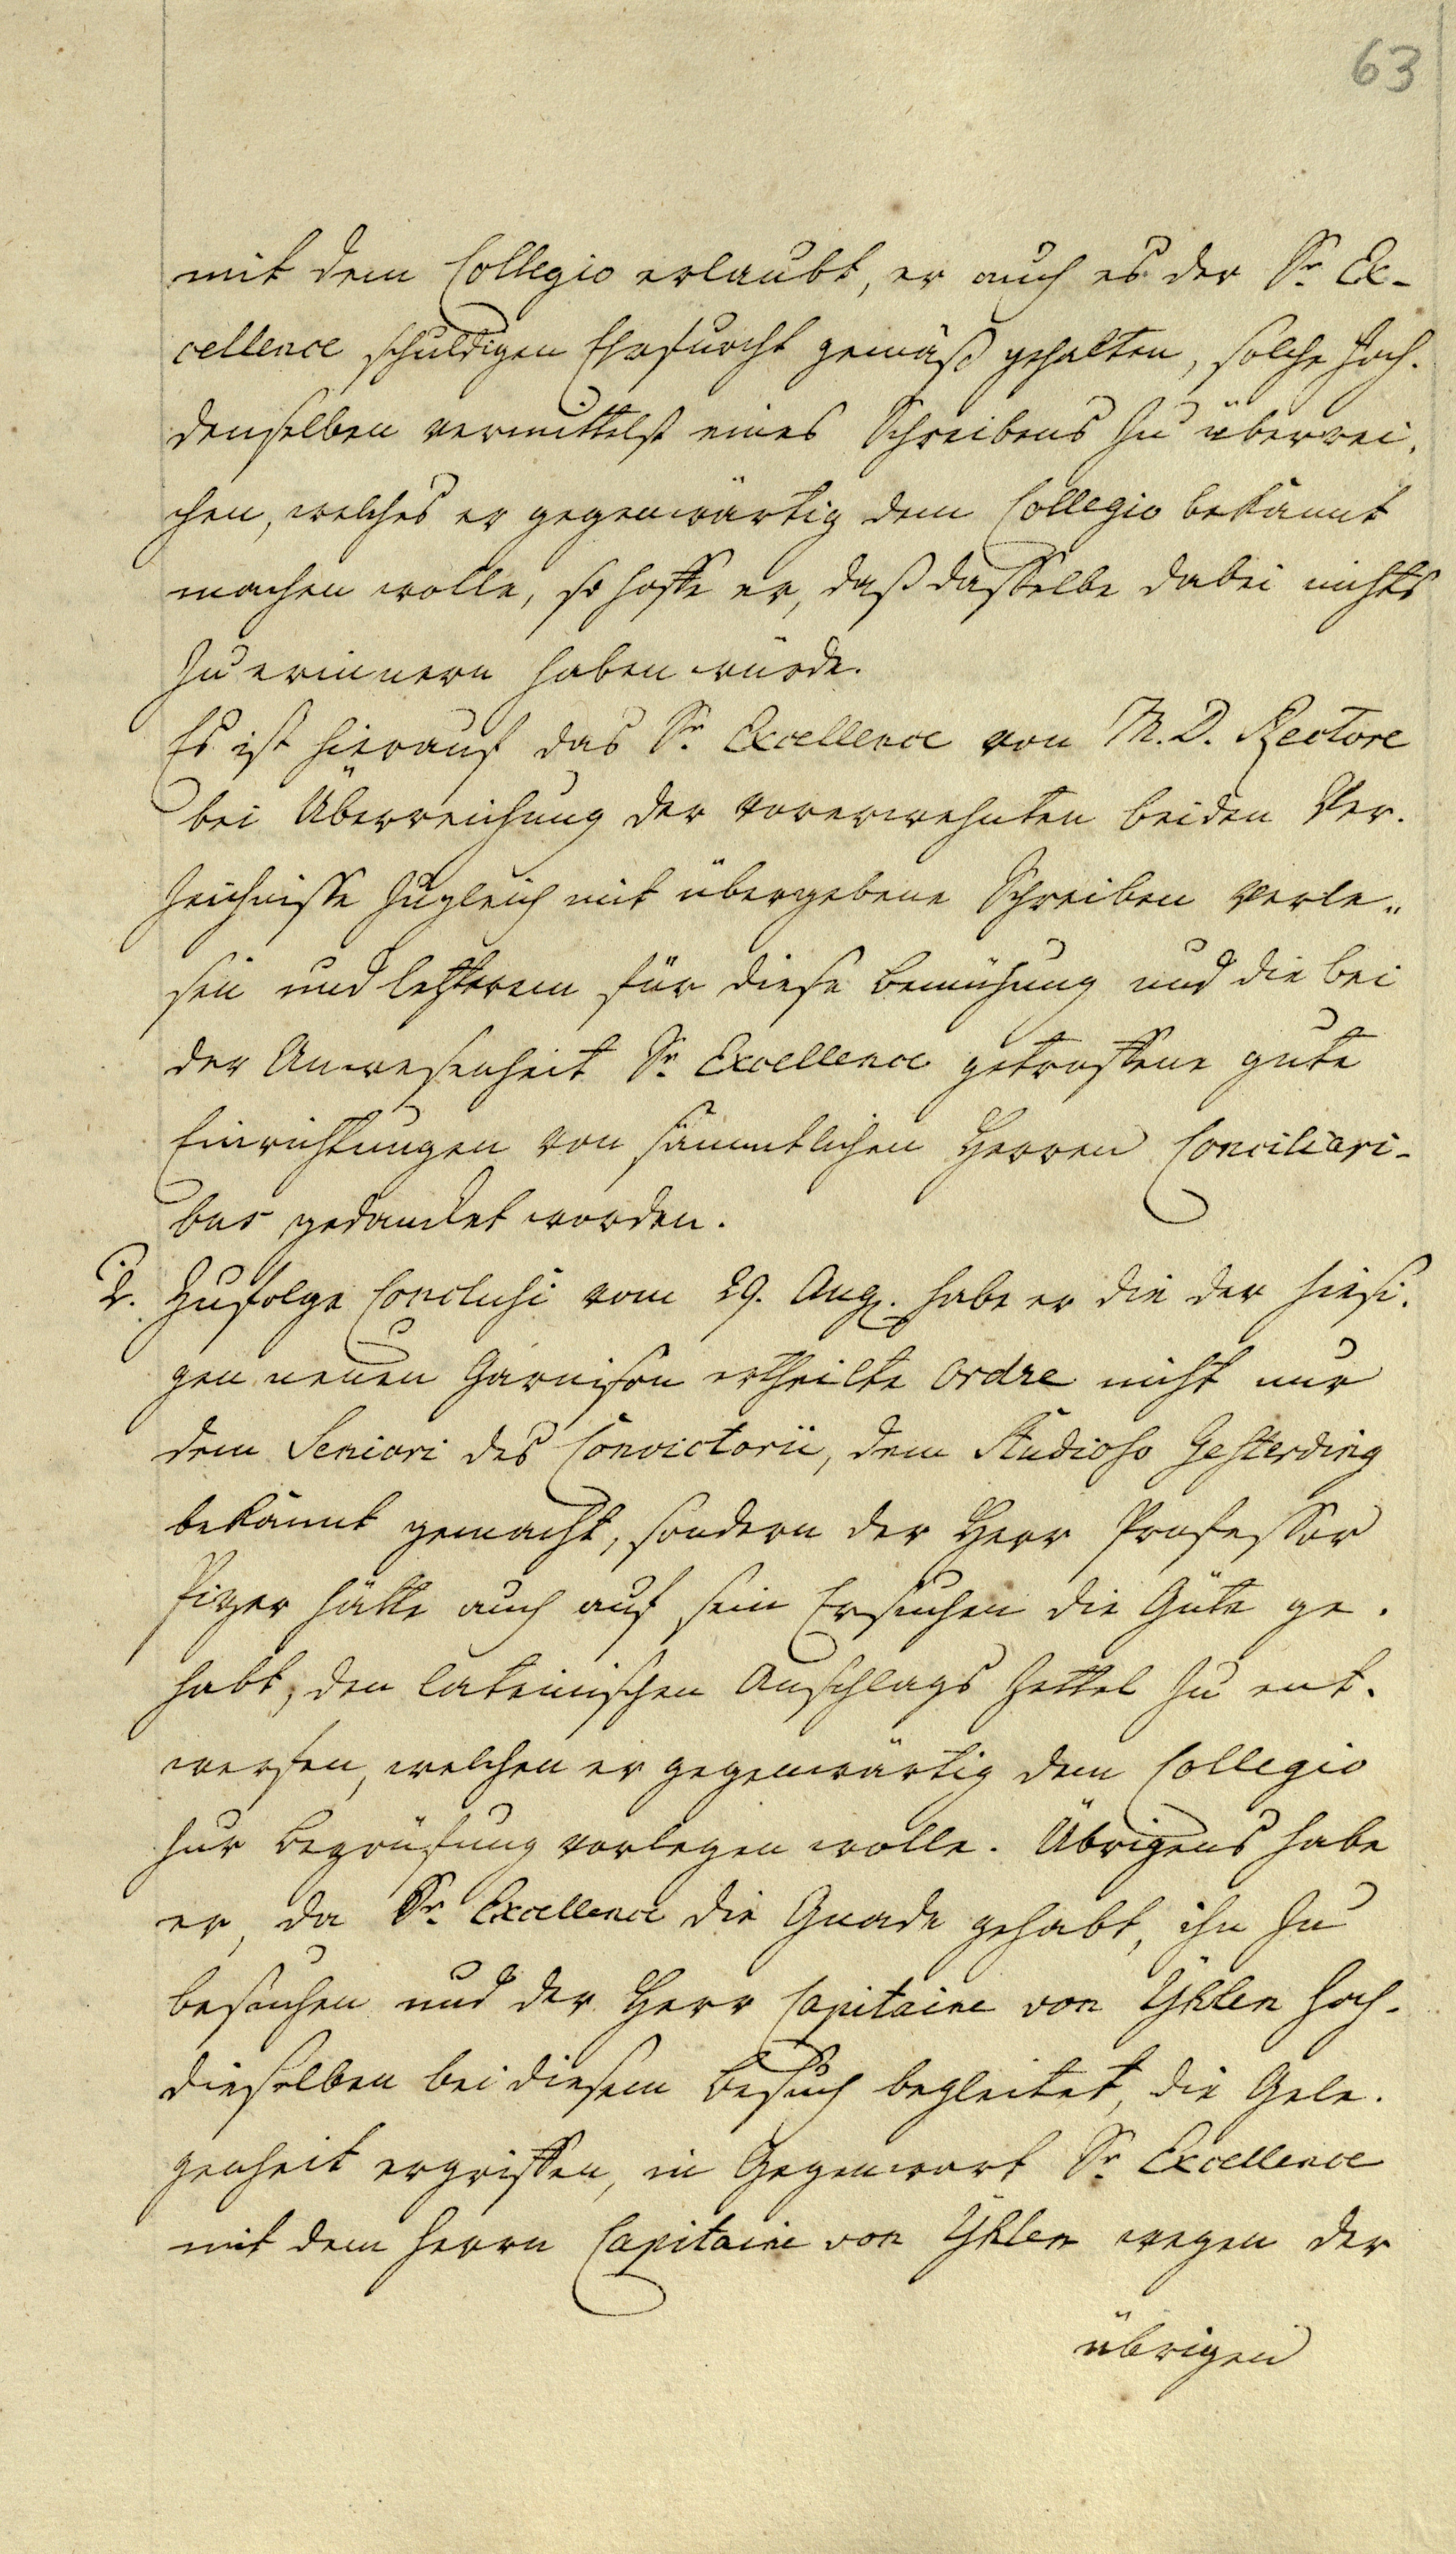mit dem Collegio erlaubt, er auch es der Sr Ex¬
cellence schuldigen Ehrfurcht gemäß gehalten, solche hoch¬
denselben vermittelst eines Schreibens zu überrei¬
chen, welches er gegenwärtig dem Collegio bekannt
machen wolle, so hoffe er, daß dasselbe dabei nichts
zu erinnern haben würde.
Es ist hierauf das Sr. Excellence von M. D. Rectore
bei Überreichung der vorerwehnten beiden Ver¬
zeichnisse zugleich mit übergebene Schreiben verle¬
sen und letzterem für diese Bemühung und die bei
der Anwesenheit Sr Excellence getroffene gute
Einrichtungen von sämmtlichen Herren Conciliari¬
bus gedancket worden.
2. Zufolge Conclusi vom 29. Aug. habe er die der hiesi¬
gen neuen Garnison ertheilte Ordre nicht nur
dem Seniori des Convictorii, dem Studioso Gesterding
bekannt gemacht, sondern der Herr Professor
Piper hätte auch auf sein Ersuchen die Güte ge¬
habt, den lateinischen Anschlags Zettel zu ent¬
werfen welchen er gegenwärtig dem Collegio
zur Beprüfung vorlegen wolle. Übrigens habe
er, da Sr Excellence die Gnade gehabt, ihn zu
besuchen und der Herr Capitaine von Yhlen hoch¬
dieselben bei diesem Besuch begleitet, die Gele¬
genheit ergriffen, in Gegenwart Sr Excellence
mit dem Herrn Capitaine von Yhlen wegen der
übrigen